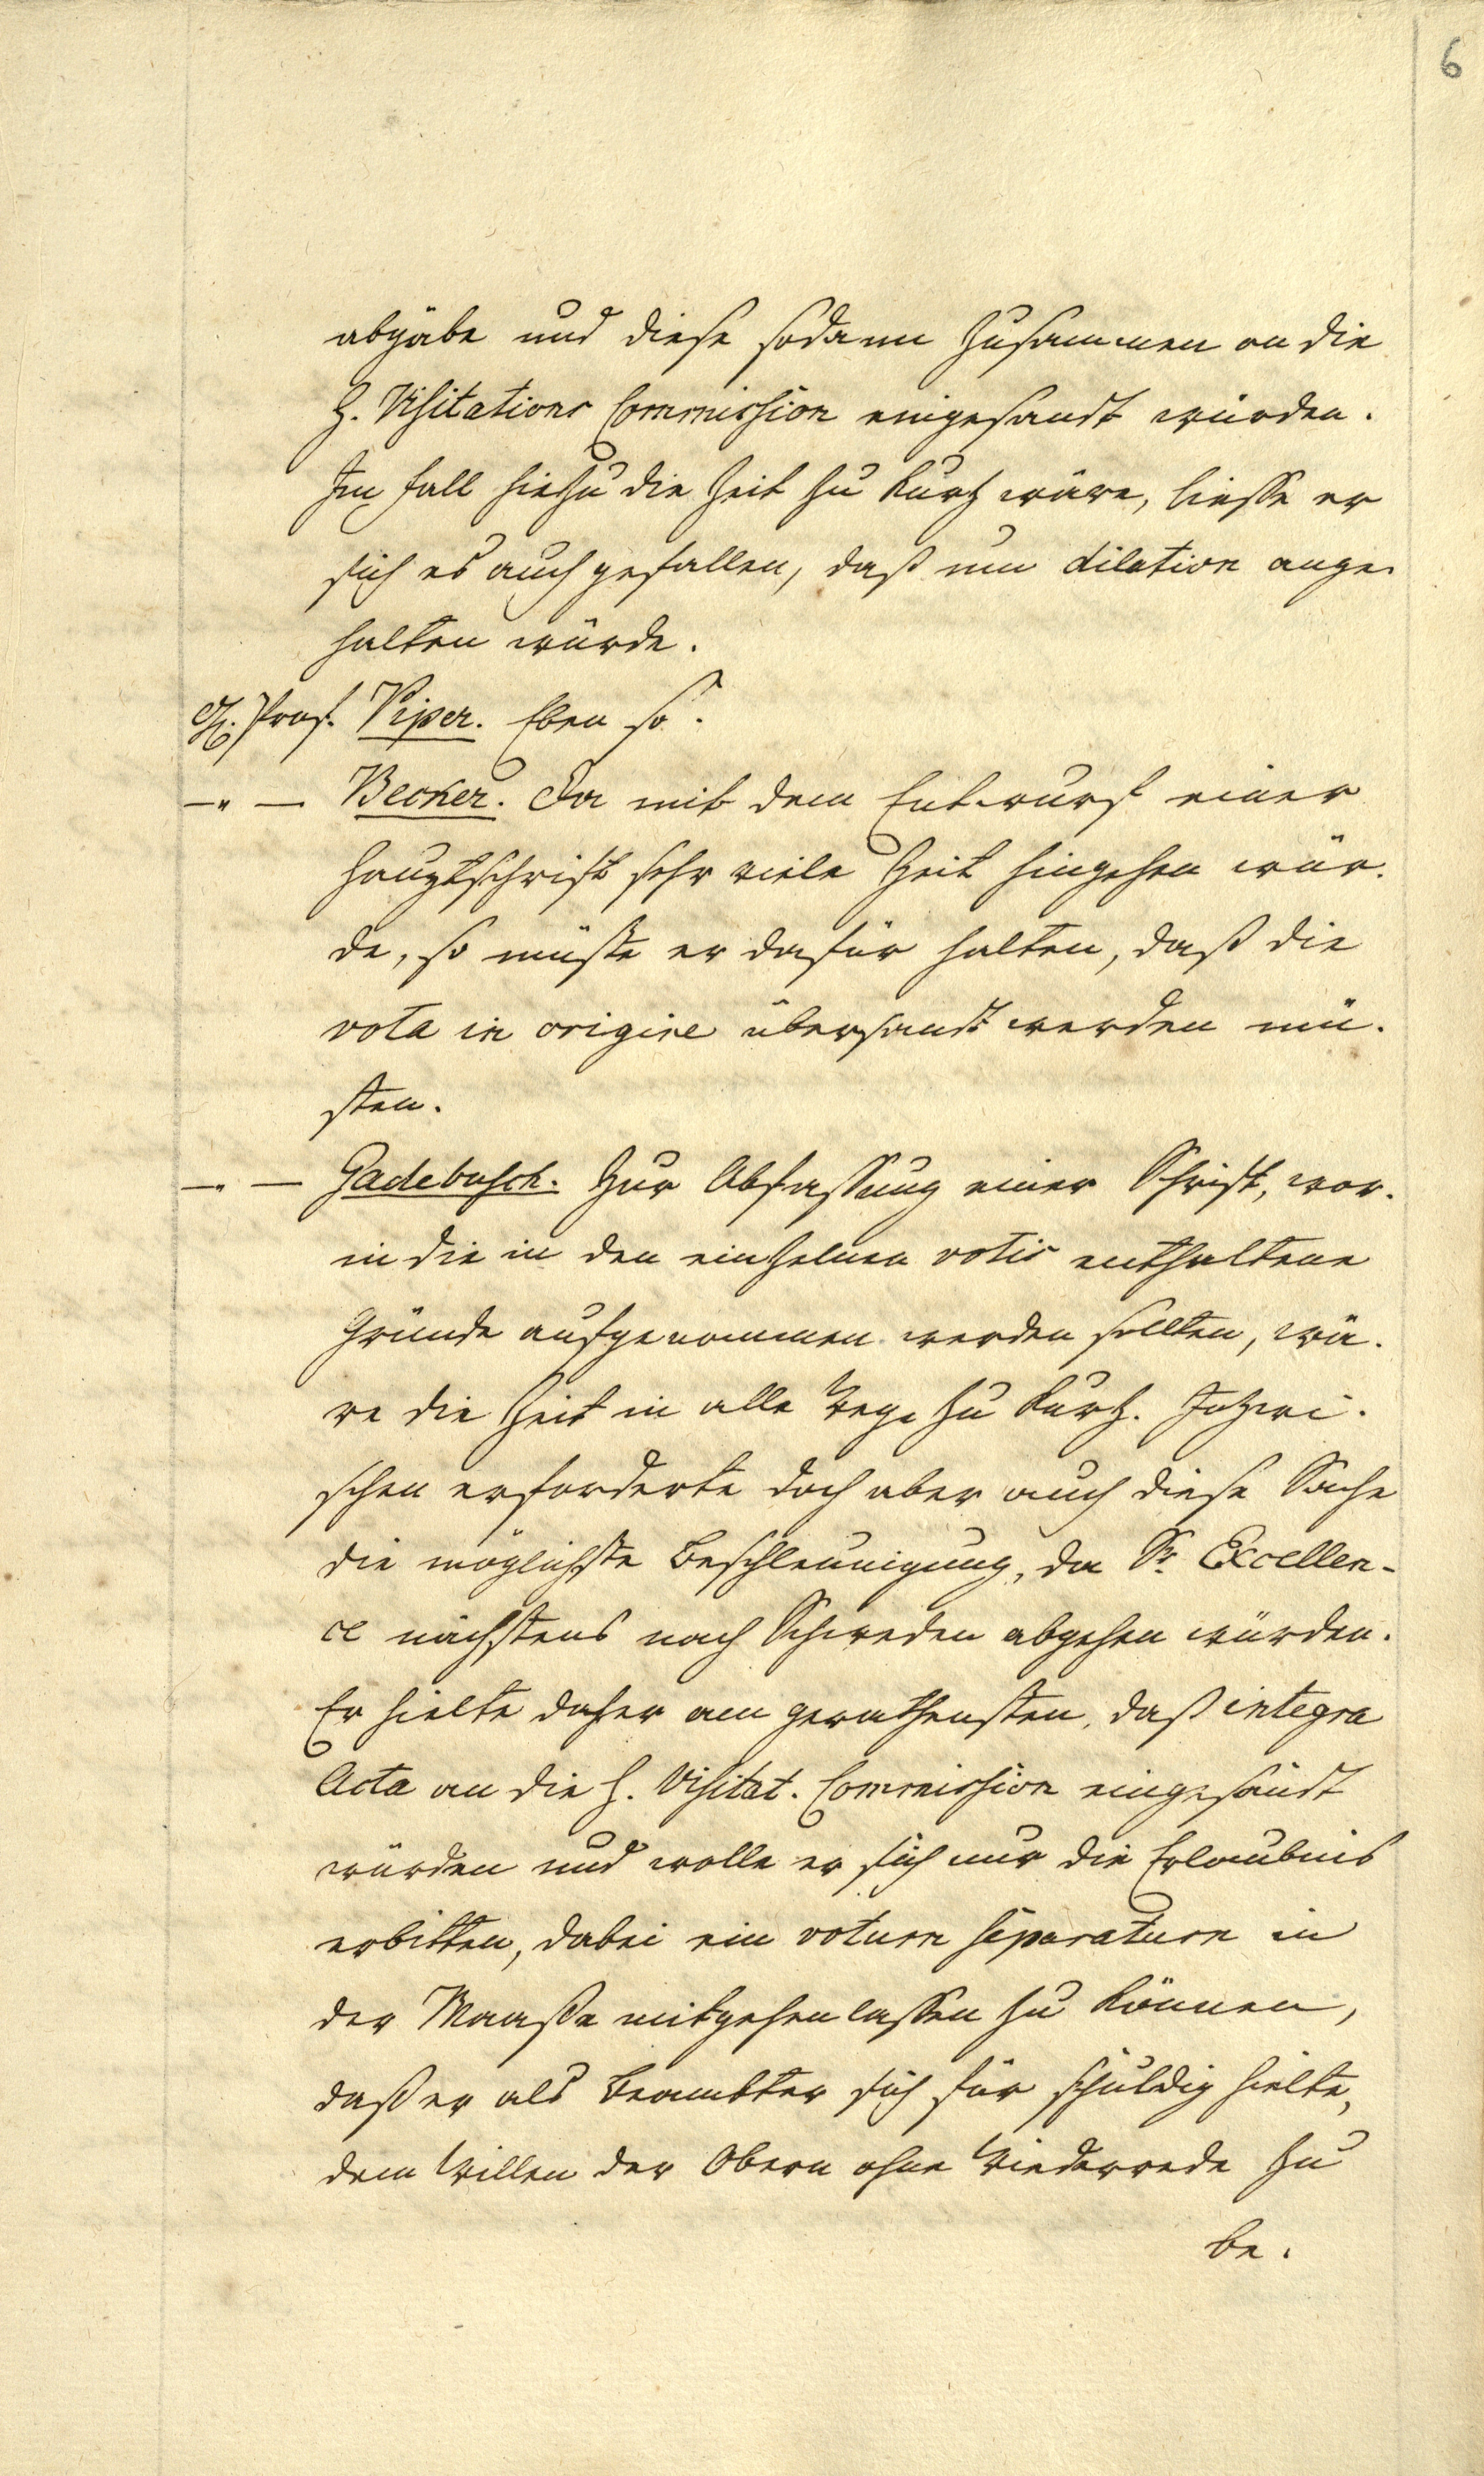abgäbe und diese sodann zusammen an die
h. Visitations Commission eingesandt würde.
Im Fall hiezu die Zeit zu kurz wäre, liesse er
sich es auch gefallen, daß um dilation ange-
halten würde.
dh. Prof. Piper. Eben so.
- " - Becker. Da mit dem Entwurf einer
Hauptschrift sehr viele Zeit hingehen wür-
de, so müßte er dafür halten, daß die
vota in origine übersandt werden mü-
ßten.
- " - Gadebusch. Zur Abfassung einer Schrift, wor-
in die in den einzelnen votis enthaltene
Gründe aufgenommen werden sollten, wä-
re die Zeit in alle Wege zu kurz. Inzwi-
schen erforderte doch aber auch diese Sache
die möglichste Beschleunigung, da Sr. Excellen-
ce nächstens nach Schweden abgehen würden.
Er hielte daher am gerathensten, daß integra
Acta an die h. Visitat. Commission eingesandt
würden und wolle er sich nur die Erlaubnis
erbitten, dabei ein votum separatum in
der Maaße mitgehen lassen zu können,
daß er als Beambter sich für schuldig hielte,
dem Willen der Obern ohne Wiederrede zu
be-